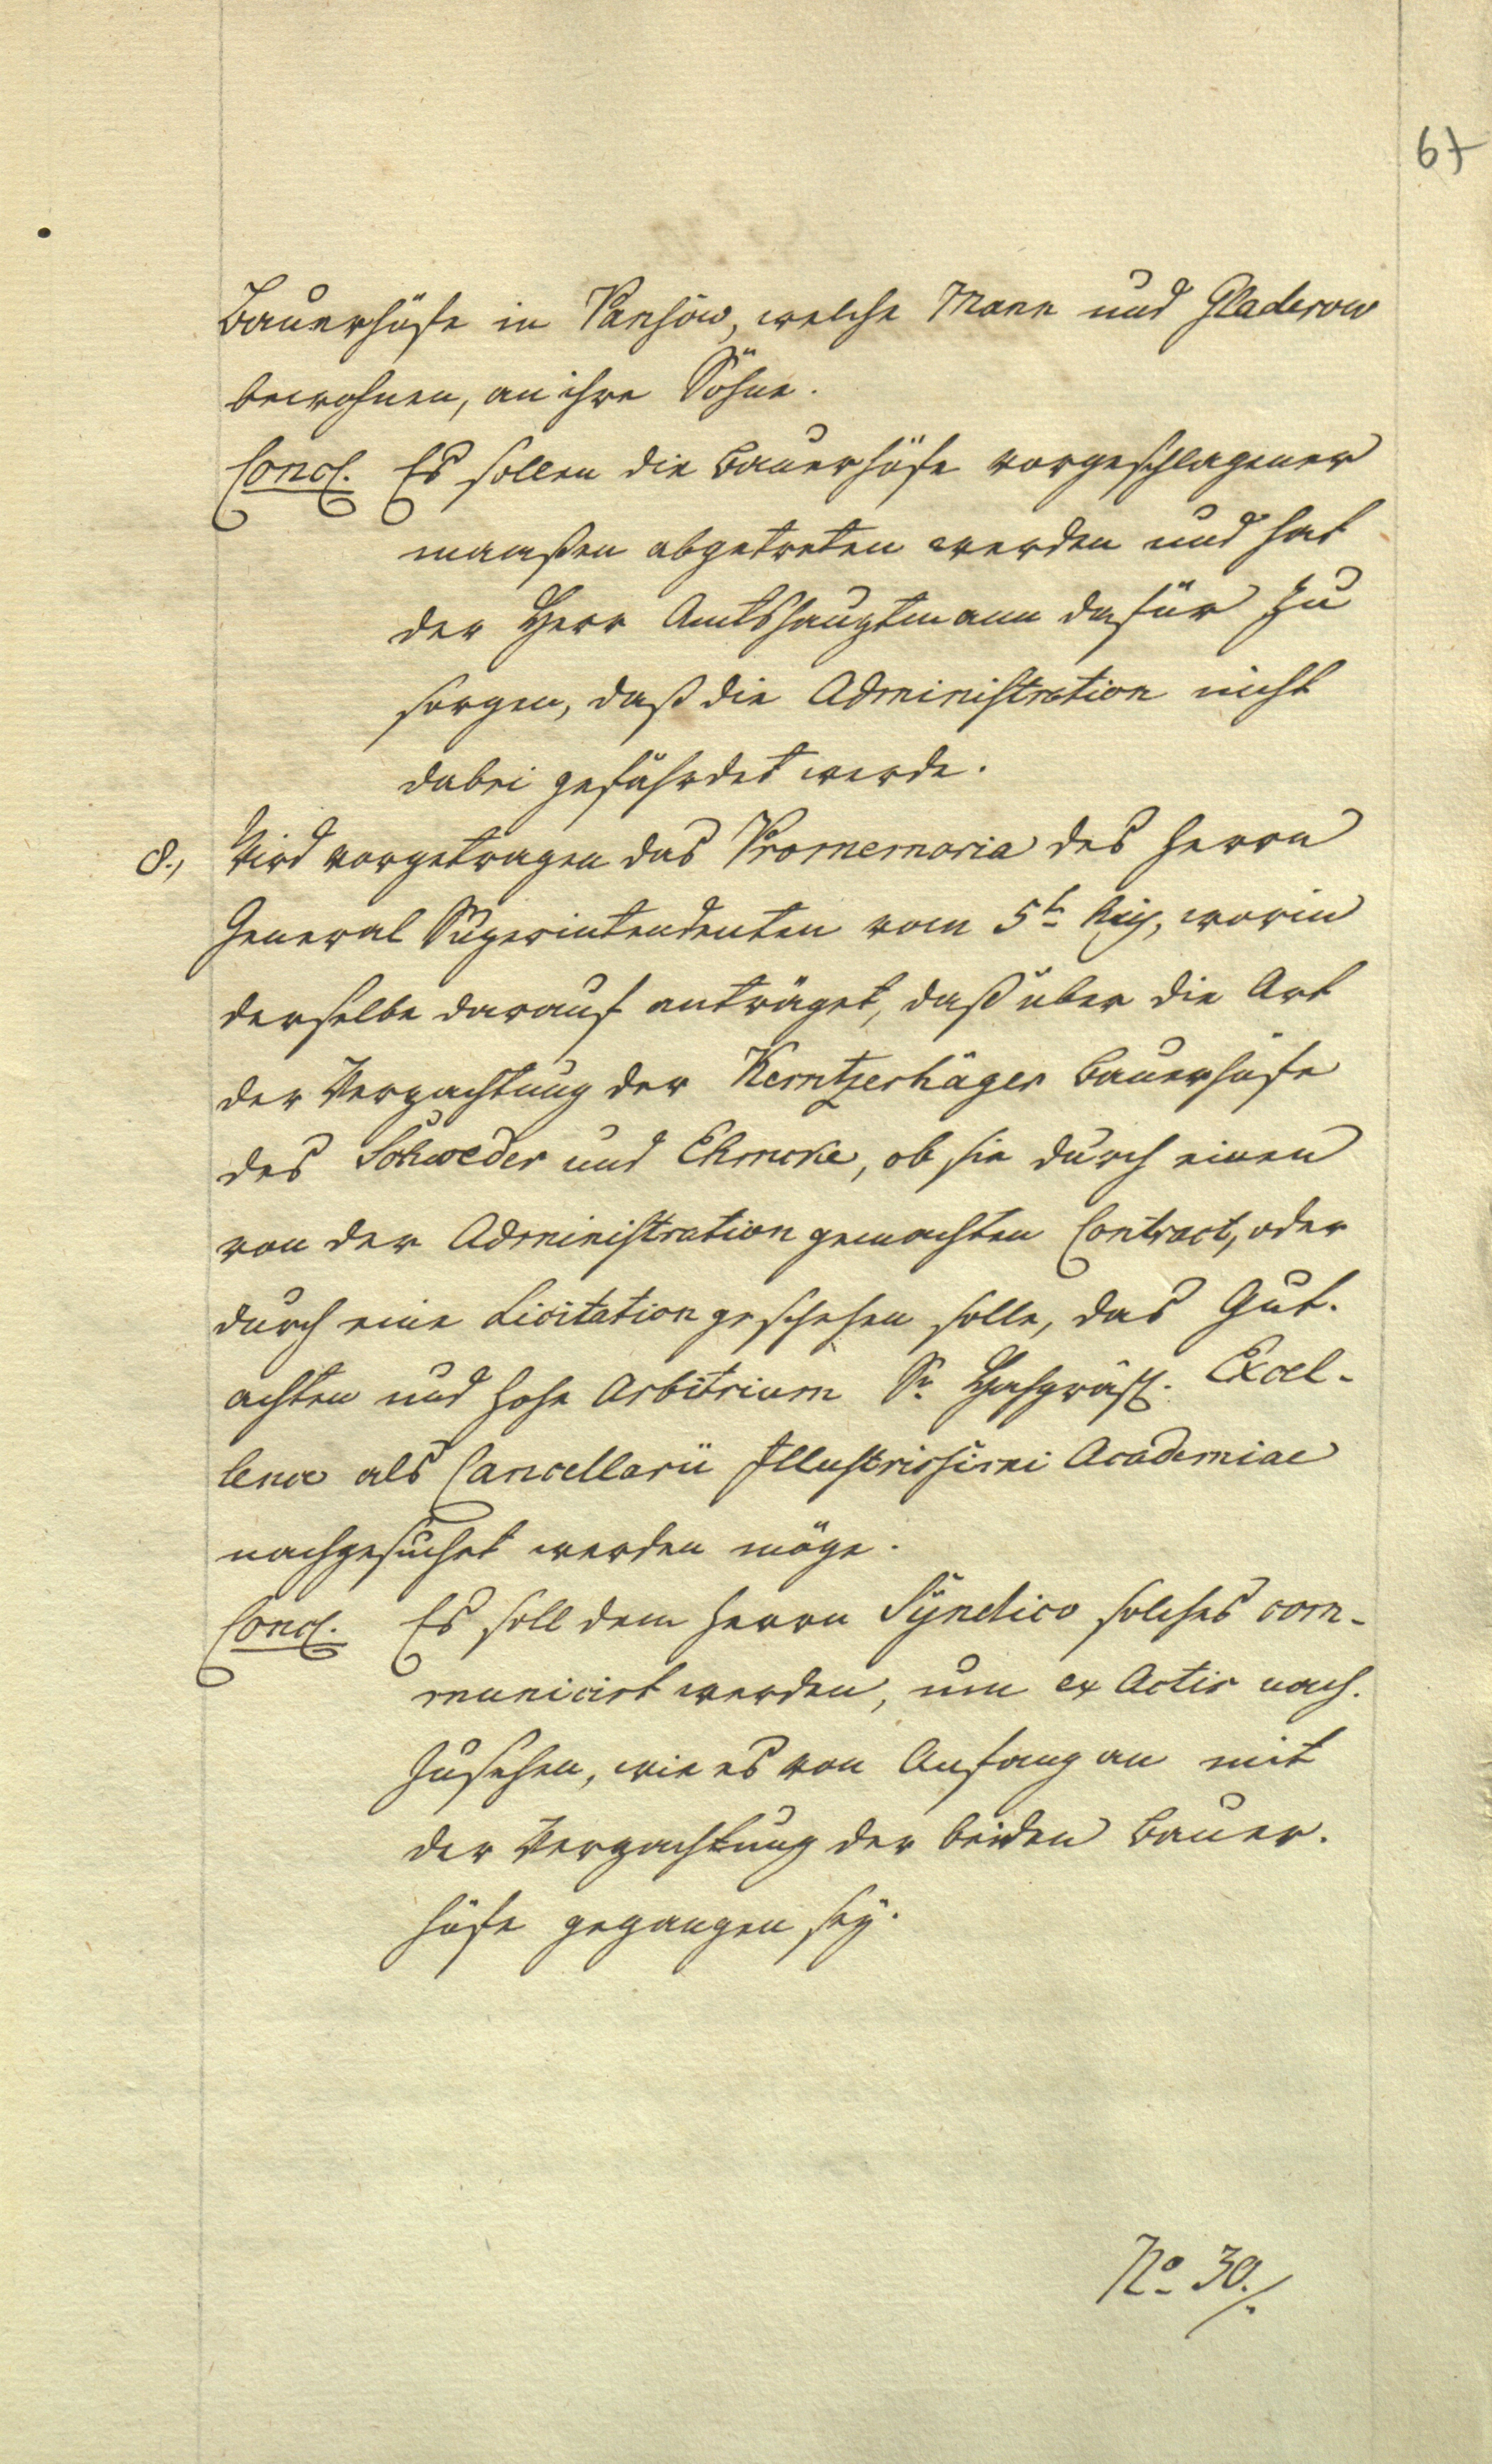Bauerhöfe in Pansow welche, Mann und Gladerow
bewohnen, an ihre Söhne.
Concl. Es sollen die Bauerhöfe vorgeschlagener
maaßen abgetreten werden und hat
der Herr Amtshauptmann dafür zu
sorgen, daß die Administration nicht
dabei gefährdet werde.
8., Wird vorgetragen das Promemoria des Herrn
General Superintendenten vom 5 t huj. worin
derselbe darauf anträget, daß über die Art
der Verpachtung der Kemtzerhäger Bauerhöfe
des Schweder und Ehmcke, ob sie durch einen
von der Administration gemachten Contract, oder
durch eine Licitation geschehen solle, das Gut¬
achten und hohe Arbitrium Sr Hochgräfl. Excel¬
lence als Cancellarii Illustrissimi Academiae
nachgesuchet werden möge.
Concl. Es soll dem Herrn Sÿndico solches com¬
municirt werden, um ex Actis nach¬
zusehen, wie es von Anfang an mit
der Verpachtung der beiden Bauer¬
höfe gegangen seÿ.
No 30.